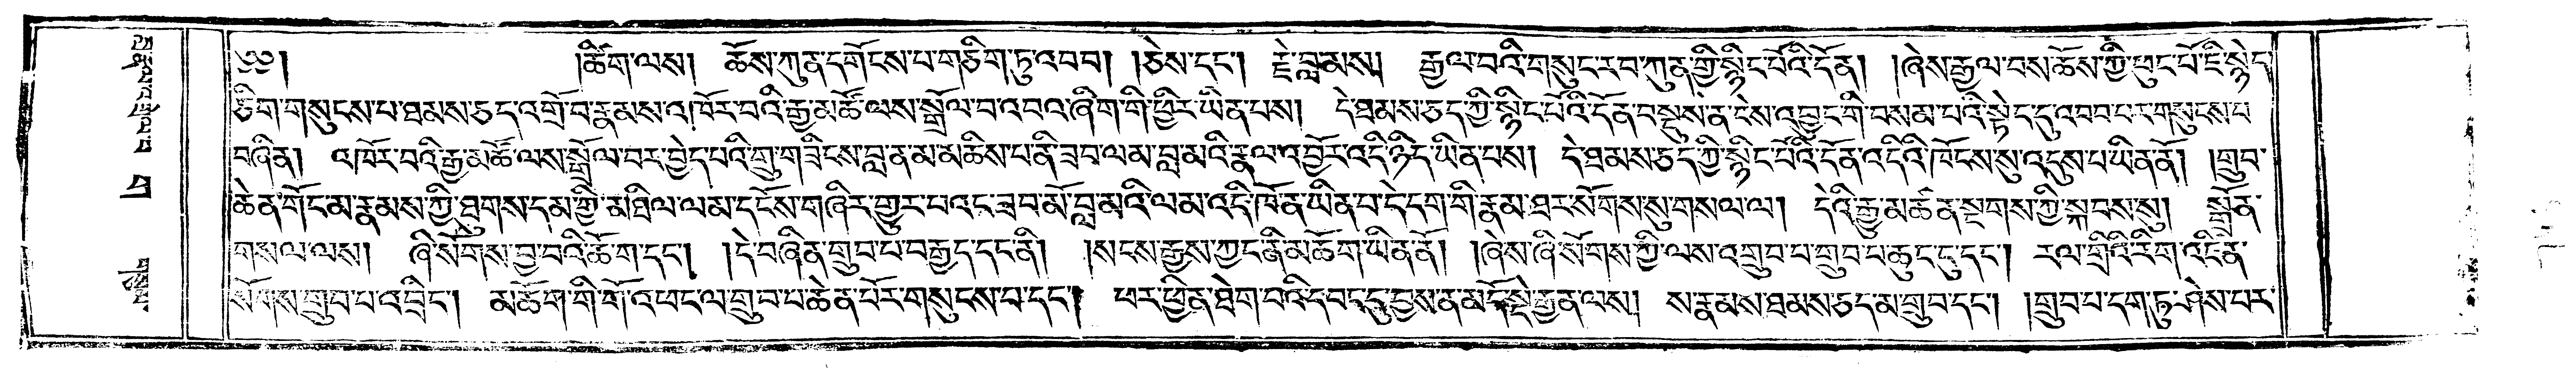༄༅། །ཚིག་ལས། ཆོས་ཀུན་དགོངས་པ་གཅིག་ཏུ་འབབ། །ཅེས་དང་། རྗེ་བླ་མས། རྒྱལ་བའི་གསུང་རབ་ཀུན་གྱི་སྙིང་པོའི་དོན། །ཞེས་རྒྱལ་བས་ཆོས་ཀྱི་ཕུང་པོ་ཇི་སྙེད་
ཅིག་གསུངས་པ་ཐམས་ཅད་འགྲོ་བ་རྣམས་འཁོར་བའི་རྒྱ་མཚོ་ལས་སྒྲོལ་བ་འབའ་ཞིག་གི་ཕྱིར་ཡིན་པས། དེ་ཐམས་ཅད་ཀྱི་སྙིང་པོའི་དོན་བསྡུས་ན་ངེས་འབྱུང་གི་བསམ་པའི་སྟེང་དུ་འབབ་པར་གསུངས་པ་
བཞིན། འཁོར་བའི་རྒྱ་མཚོ་ལས་སྒྲོལ་བར་བྱེད་པའི་གྲུ་གཟིངས་བླ་ན་མ་མཆིས་པ་ནི་ཟབ་ལམ་བླ་མའི་རྣལ་འབྱོར་འདི་ཉིད་ཡིན་པས། དེ་ཐམས་ཅད་ཀྱི་སྙིང་པོའི་དོན་འདིའི་ཁོངས་སུ་འདུས་པ་ཡིན་ནོ། །གྲུབ་
ཆེན་གོང་མ་རྣམས་ཀྱི་ཐུགས་དམ་གྱི་མཐིལ་ལམ་དངོས་གཞིར་གྱུར་པའང་ཟབ་མོ་བླ་མའི་ལམ་འདི་ཁོ་ན་ཡིན་པ་དེ་དག་གི་རྣམ་ཐར་སོགས་སུ་གསལ་ལ། དེའི་རྒྱུ་མཚན་སྔགས་ཀྱི་སྐབས་སུ། སྒྲོན་
གསལ་ལས། ཞི་སོགས་བྱ་བའི་ཆོ་ག་དང་། །དེ་བཞིན་གྲུབ་པ་བརྒྱད་དང་ནི། །སངས་རྒྱས་ཀྱང་ནི་མཆོག་ཡིན་ནོ། །ཞེས་ཞི་སོགས་ཀྱི་ལས་འགྲུབ་པ་གྲུབ་པ་ཆུང་དུ་དང་། རལ་གྲིའི་རིག་འཛིན་
སོགས་གྲུབ་པ་འབྲིང་། མཆོག་གི་གོ་འཕང་ལ་གྲུབ་པ་ཆེན་པོར་གསུངས་པ་དང་། ཕར་ཕྱིན་ཐེག་པའི་དབང་དུ་བྱས་ན་མདོ་སྡེ་རྒྱན་ལས། ས་རྣམས་ཐམས་ཅད་མ་གྲུབ་དང་། །གྲུབ་པ་དག་ཏུ་ཤེས་པར་